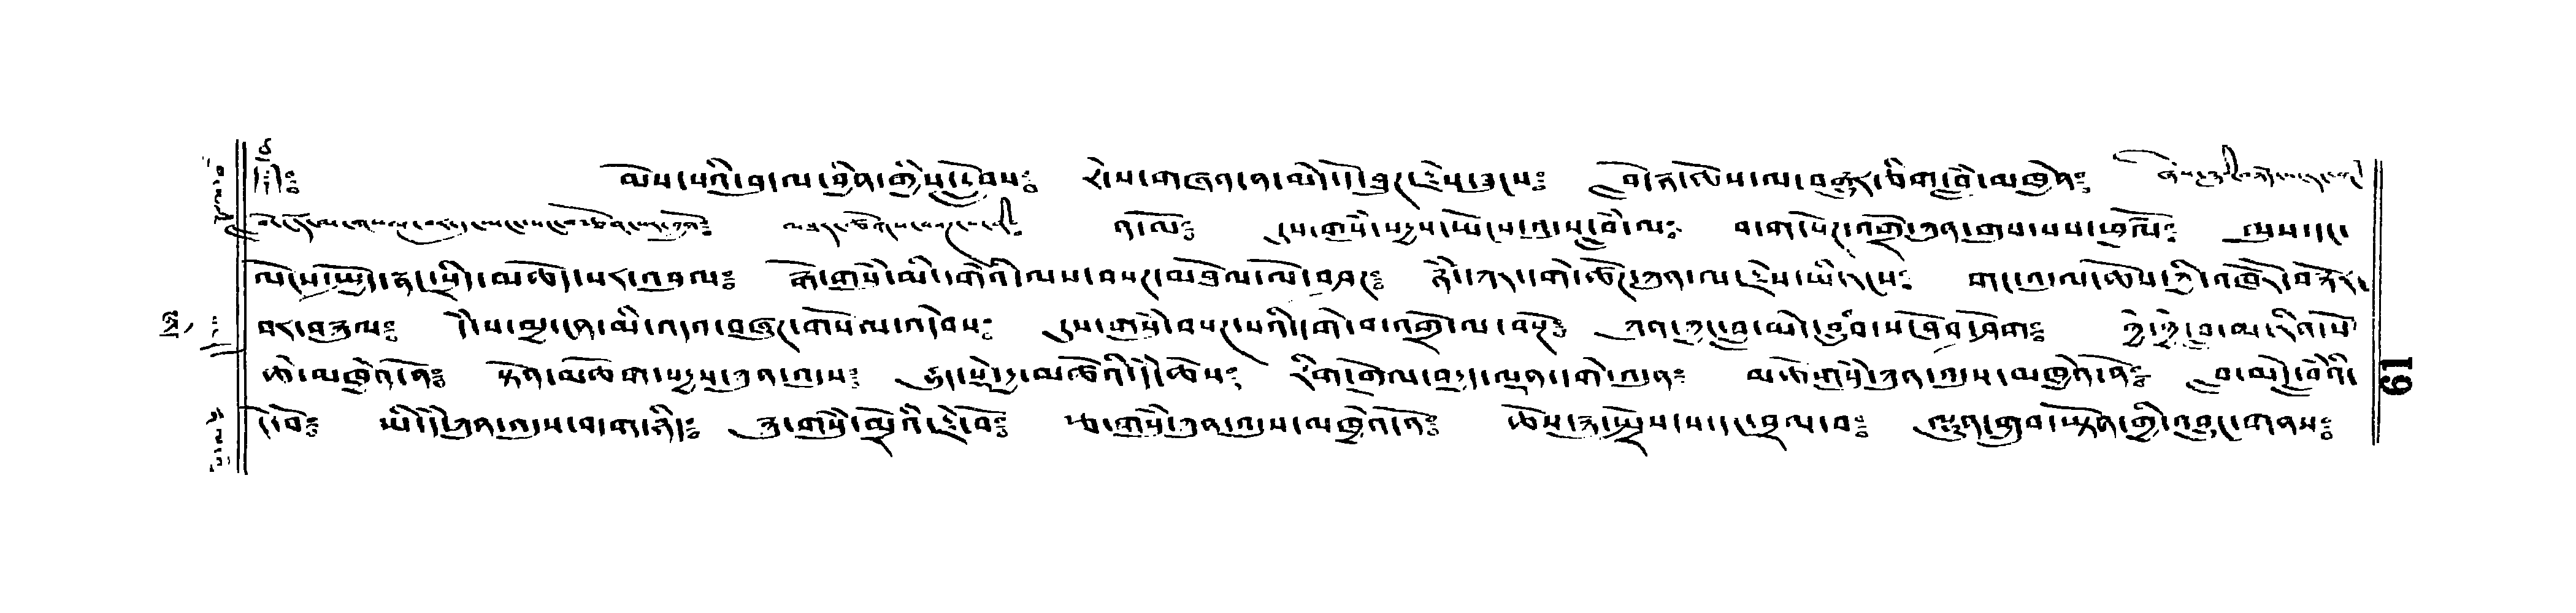མོས་པའི་བུ་ལ་བྱིན་གྱིས་རློབས༔ རེ་ས་གཞན་ན་མེད་དོ་ཐུགས་རྗེས་ཟུངས༔ བློ་སྣ་ཆོས་ལ་བསྒྱུར་ཅིག་བླ་མ་མཁྱེན༔ ཞེས་སྐུའི་བཀོད་པ་རང་གི་
བློ་ངོར་མ་གསལ་བར་དུ་ཡང་ཡང་བརྩོན་པར་བྱའོ༔ མཐར་ཚོགས་བསོག་པ་ནི༔ ན་མོ༔ དུས་གསུམ་སངས་རྒྱས་ཡོངས་འདུས་བླ་མ་ལ༔ བདག་སོགས་འགྲོ་ཀུན་གུས་པས་ཕྱག་འཚལ་ལོ༔ ལུས་དང་
ལོངས་སྤྱོད་སྣང་སྲིད་མཆོད་པར་འབུལ༔ སྒོ་གསུམ་མི་དགེའི་ལས་བསགས་མཐོལ་ལོ་བཤགས༔ རྣམ་དཀར་དགེ་ཚོགས་ཀུན་ལ་རྗེ་ཡི་རངས༔ གང་འདུལ་ཆོས་ཀྱི་འཁོར་ལོ་བསྐོར་
བར་བསྐུལ༔ དམ་པ་མྱ་ངན་མི་འདའ་བཞུགས་གསོལ་འདེབས༔ དུས་གསུམ་བསགས་པའི་དགེ་བ་འགྲོ་ལ་བསྔོ༔ ཀུན་ཀྱང་བླ་མེད་བྱང་ཆུབ་ས་འཐོབ་ཤོག༔ ཀྱེ་ཀྱེ་བླ་མ་རིན་པོ་
ཆེ་མཁྱེན་ནོ༔ སྟོན་མཆོག་སངས་རྒྱས་ཀུན་འདུས༔ རྒྱུད་སྡེ་རྒྱ་མཚོའི་དམ་ཆོས༔ རིག་གྲོལ་བརྒྱད་ལྡན་དགེ་འདུན༔ མཆོག་གསུམ་ཀུན་འདུས་མཁྱེན་ནོ༔ བླ་མེད་བླ་མའི་
ངོ་བོ༔ ཡི་དམ་ཀུན་འདུས་བདག་ཉིད༔ སྐུ་གསུམ་མཁའ་འགྲོའི་རྗེ་བོ༔ རྩ་གསུམ་ཀུན་འདུས་མཁྱེན་ནོ༔ ཆོས་སྐུ་སྤྲོས་པ་དང་བྲལ་བ༔ ལྷུན་གྲུབ་ཡོན་ཏན་འབྱུང་གནས༔